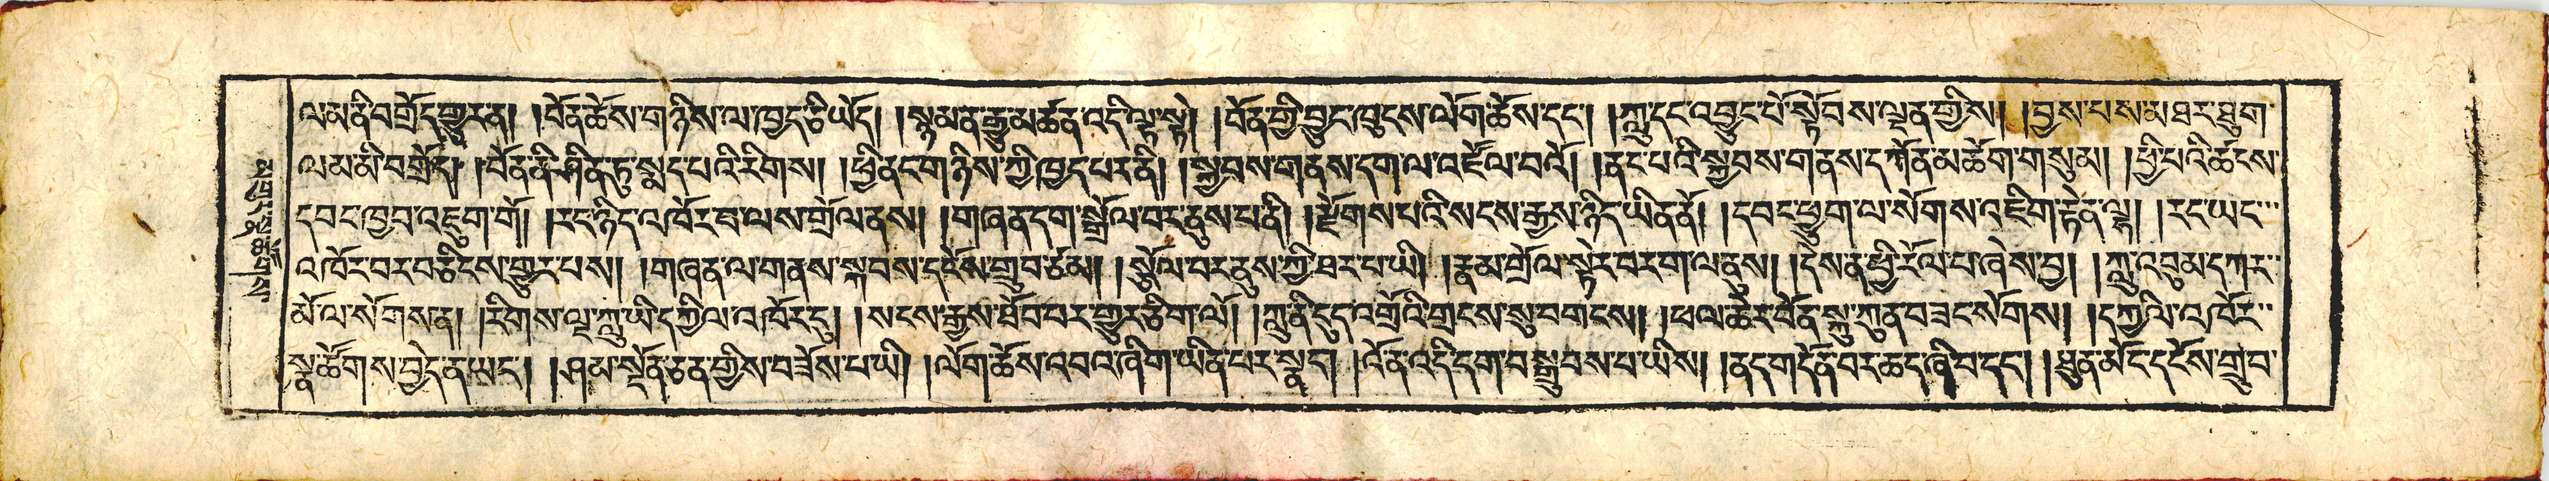ལམ་ནི་བགྲོད་གྱུར་ན། །བོན་ཆོས་གཉིས་ལ་ཁྱད་ཅི་ཡོད། །སྙམ་ན་རྒྱུ་མཚན་འདི་ལྟ་སྟེ། །བོན་གྱི་བྱུང་ཁུངས་ལོག་ཆོས་དང་། །ཀླུ་དང་འབྱུང་པོ་སྟོབས་ལྡན་གྱིས། །བྱས་པས་མཐར་ཐུག་
ལམ་མི་བགྲོད། །བོན་ནི་ཤིན་ཏུ་སྨད་པའི་རིགས། །ཕྱི་ནང་གཉིས་ཀྱི་ཁྱད་པར་ནི། །སྐྱབས་གནས་དག་ལ་འཇོག་པའོ། །ནང་པའི་སྐྱབས་གནས་དཀོན་མཆོག་གསུམ། །ཕྱི་པའི་ཚངས་
དབང་ཁྱབ་འཇུག་གོ། །རང་ཉིད་འཁོར་བ་ལས་གྲོལ་ནས། །གཞན་དག་སྒྲོལ་བར་ནུས་པ་ནི། །རྫོགས་པའི་སངས་རྒྱས་ཉིད་ཡིན་ནོ། །དབང་ཕྱུག་ལ་སོགས་འཇིག་རྟེན་ལྷ། །རང་ཡང་
འཁོར་བར་བཅིངས་གྱུར་པས། །གཞན་ལ་གནས་སྐབས་དངོས་གྲུབ་ཙམ། །སྩོལ་བར་ནུས་ཀྱི་ཐར་པ་ཡི། །རྣམ་གྲོལ་སྟེར་བར་ག་ལ་ནུས། །དེས་ན་ཕྱི་རོལ་པ་ཞེས་བྱ། །ཀླུ་འབུམ་དཀར་
མོ་ལ་སོགས་ན། །རིགས་ལྔ་ཀླུ་ཡི་དཀྱིལ་འཁོར་དུ། །སངས་རྒྱས་ཐོབ་པར་གྱུར་ཅིག་ལོ། །ཀླུ་ནི་དུད་འགྲོའི་གྲངས་སུ་བགྲངས། ཕལ་ཆེར་བོན་སྐུ་ཀུན་བཟང་སོགས། །དཀྱིལ་འཁོར་
སྣ་ཚོགས་བྱེད་ན་ཡང་། །ཤམ་སྔོན་ཅན་གྱིས་བཟོས་པ་ཡི། །ལོག་ཆོས་འབའ་ཞིག་ཡིན་པར་སྣང་། །འོ་ན་འདི་དག་བསྒྲུབས་པ་ཡིས། །ནད་གདོན་བར་ཆད་ཞི་བ་དང་། །ཐུན་མོང་དངོས་གྲུབ་